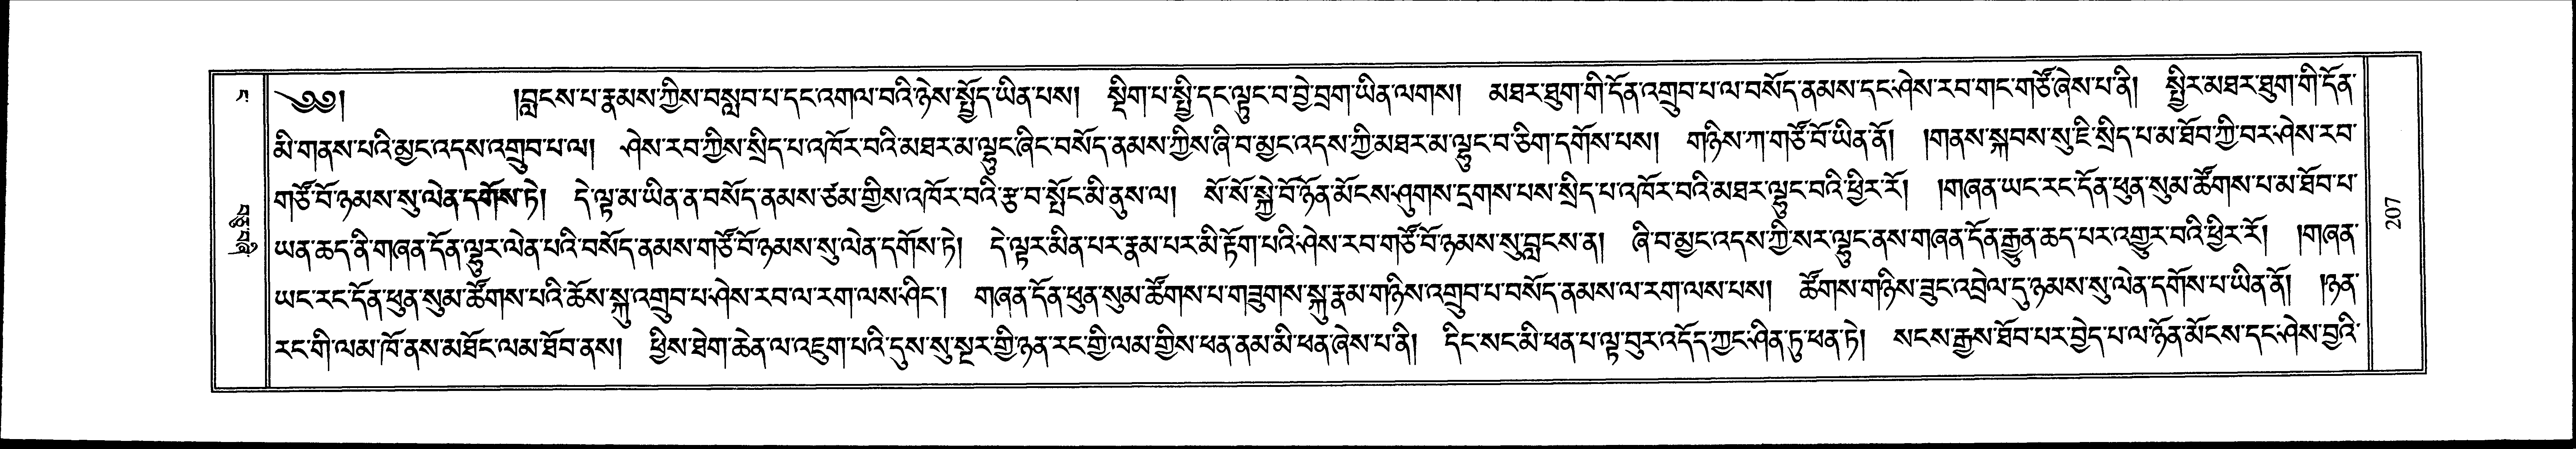༄༅། །བླངས་པ་རྣམས་ཀྱིས་བསླབ་པ་དང་འགལ་བའི་ཉེས་སྤྱོད་ཡིན་པས། སྡིག་པ་སྤྱི་དང་ལྟུང་བ་བྱེ་བྲག་ཡིན་ལགས། མཐར་ཐུག་གི་དོན་འགྲུབ་པ་ལ་བསོད་ནམས་དང་ཤེས་རབ་གང་གཙོ་ཞེས་པ་ནི། སྤྱིར་མཐར་ཐུག་གི་དོན་
མི་གནས་པའི་མྱང་འདས་འགྲུབ་པ་ལ། ཤེས་རབ་ཀྱིས་སྲིད་པ་འཁོར་བའི་མཐར་མ་ལྷུང་ཞིང་བསོད་ནམས་ཀྱིས་ཞི་བ་མྱང་འདས་ཀྱི་མཐར་མ་ལྷུང་བ་ཅིག་དགོས་པས། གཉིས་ཀ་གཙོ་བོ་ཡིན་ནོ། །གནས་སྐབས་སུ་ཇི་སྲིད་པ་མ་ཐོབ་ཀྱི་བར་ཤེས་རབ་
གཙོ་བོ་ཉམས་སུ་ལེན་དགོས་ཏེ། དེ་ལྟ་མ་ཡིན་ན་བསོད་ནམས་ཙམ་གྱིས་འཁོར་བའི་རྩ་བ་སྤོང་མི་ནུས་ལ། སོ་སོ་སྐྱེ་བོ་ཉོན་མོངས་ཤུགས་དྲགས་པས་སྲིད་པ་འཁོར་བའི་མཐར་ལྷུང་བའི་ཕྱིར་རོ། །གཞན་ཡང་རང་དོན་ཕུན་སུམ་ཚོགས་པ་མ་ཐོབ་པ་
ཡན་ཆད་ནི་གཞན་དོན་ལྷུར་ལེན་པའི་བསོད་ནམས་གཙོ་བོ་ཉམས་སུ་ལེན་དགོས་ཏེ། དེ་ལྟར་མིན་པར་རྣམ་པར་མི་རྟོག་པའི་ཤེས་རབ་གཙོ་བོ་ཉམས་སུ་བླངས་ན། ཞི་བ་མྱང་འདས་ཀྱི་སར་ལྷུང་ནས་གཞན་དོན་རྒྱུན་ཆད་པར་འགྱུར་པའི་ཕྱིར་རོ། །གཞན་
ཡང་རང་དོན་ཕུན་སུམ་ཚོགས་པའི་ཆོས་སྐུ་འགྲུབ་པ་ཤེས་རབ་ལ་རག་ལས་ཤིང་། གཞན་དོན་ཕུན་སུམ་ཚོགས་པ་གཟུགས་སྐུ་རྣམ་གཉིས་འགྲུབ་པ་བསོད་ནམས་ལ་རག་ལས་པས། ཚོགས་གཉིས་ཟུང་འབྲེལ་དུ་ཉམས་སུ་ལེན་དགོས་པ་ཡིན་ནོ། །ཉན་
རང་གི་ལམ་ཁོ་ནས་མཐོང་ལམ་ཐོབ་ནས། ཕྱིས་ཐེག་ཆེན་ལ་འཇུག་པའི་དུས་སུ་སྔར་གྱི་ཉན་རང་གྱི་ལམ་གྱིས་ཕན་ནམ་མི་ཕན་ཞེས་པ་ནི། དིང་སང་མི་ཕན་པ་ལྟ་བུར་འདོད་ཀྱང་ཤིན་ཏུ་ཕན་ཏེ། སངས་རྒྱས་ཐོབ་པར་བྱེད་པ་ལ་ཉོན་མོངས་དང་ཤེས་བྱའི་